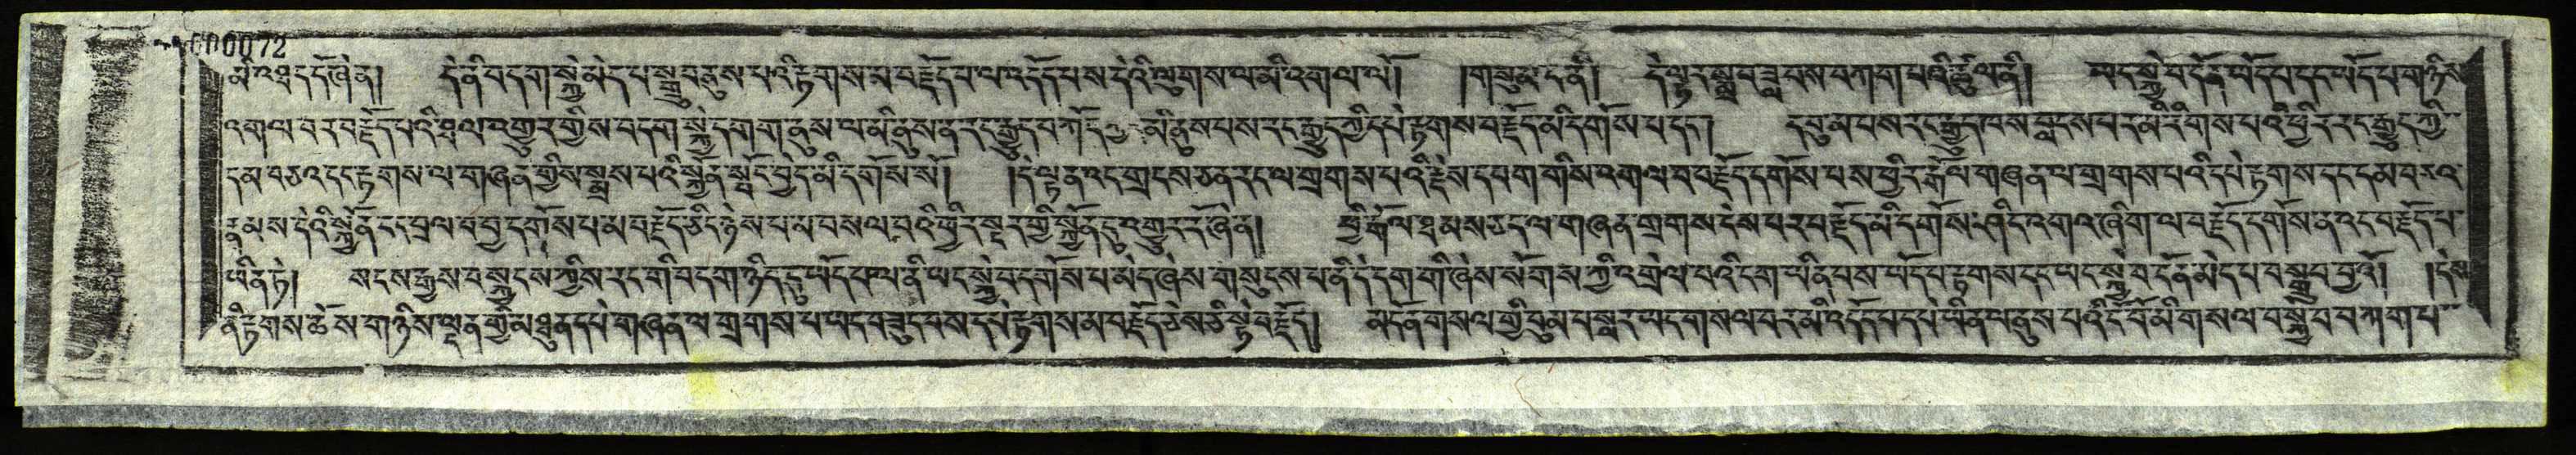མི་འཐད་དོ་ཞེ་ན། དེ་ནི་བདག་སྐྱེ་མེད་པ་སྒྲུབ་ནུས་པའི་རྟགས་མ་བརྗོད་པ་ལ་འདོད་པས་དེའི་ལུགས་ལ་མི་འགལ་ལོ། །གསུམ་པ་ནི། དེ་ལྟར་སྨྲ་བ་ཟླ་བས་བཀག་པའི་ཚུལ་ནི། ཡང་སྐྱེ་བ་དོན་ཡོད་པ་དང་ཡོད་པ་གཉིས་
འགལ་བར་བརྗོད་པའི་ཐལ་འགྱུར་གྱིས་བདག་སྐྱེ་དགག་ནུས་ལ་མི་ནུས་ན་རང་རྒྱུད་བཀོད་ཀྱང་མི་ནུས་པས་རང་རྒྱུད་ཀྱི་དཔེ་རྟགས་བརྗོད་མི་དགོས་པ་དང་། དབུ་མ་བས་རང་རྒྱུད་ཁས་བླངས་པར་མི་རིགས་པའི་ཕྱིར་རང་རྒྱུད་ཀྱི་
དམ་བཅའ་དང་རྟགས་ལ་གཞན་གྱིས་སྨྲས་པའི་སྐྱོན་སྤོང་བྱེད་མི་དགོས་སོ། །དེ་ལྟ་ན་འང་གྲངས་ཅན་རང་ལ་གྲགས་པའི་རྗེས་དཔག་གིས་འགལ་བ་བརྗོད་དགོས་པས་ཕྱིར་རྒོལ་གཞན་ལ་གྲགས་པའི་དཔེ་རྟགས་དང་དམ་བཅའ་
རྣམས་དེའི་སྐྱོན་དང་བྲལ་བ་བྱ་དགོས་པ་མ་བརྗོད་ཅིང་ཉེས་པ་མ་བསལ་བའི་ཕྱིར་སྔར་གྱི་སྐྱོན་དུ་འགྱུར་རོ་ཞེ་ན། ཕྱི་རྒོལ་ཐམས་ཅད་ལ་གཞན་གྲགས་ངེས་བར་བརྗོད་མི་དགོས་ཤིང་འགའ་ཞིག་ལ་བརྗོད་དགོས་ནའང་བརྗོད་པ་
ཡིན་ཏེ། སངས་རྒྱས་བསྐྱངས་ཀྱིས་རང་གི་བདག་ཉིད་དུ་ཡོད་པ་ལ་ནི་ཡང་སྐྱེ་བ་དགོས་པ་མེད་ཞེས་གསུངས་པ་ནི་དེ་དག་གི་ཞེས་སོགས་ཀྱི་འགྲེལ་བའི་དག་ཡིན་པས་ཡོད་པ་རྟགས་དང་ཡང་སྐྱེ་བ་དོན་མེད་པ་བསྒྲུབ་བྱའོ། །དེས་
ནི་རྟགས་ཆོས་གཉིས་ལྡན་གྱི་མཐུན་དཔེ་གཞན་ལ་གྲགས་པ་ཡང་བཟུང་བས་དཔེ་རྟགས་མ་བརྗོད་ཅེས་ཅི་སྟེ་བརྗོད། མངོན་གསལ་གྱི་བུམ་པ་སླར་ཡང་གསལ་བར་མི་འདོད་པ་དཔེ་ཡིན་ལ་ནུས་པའི་ངོ་བོ་མི་གསལ་བ་སྐྱེ་བ་བཀག་པ་